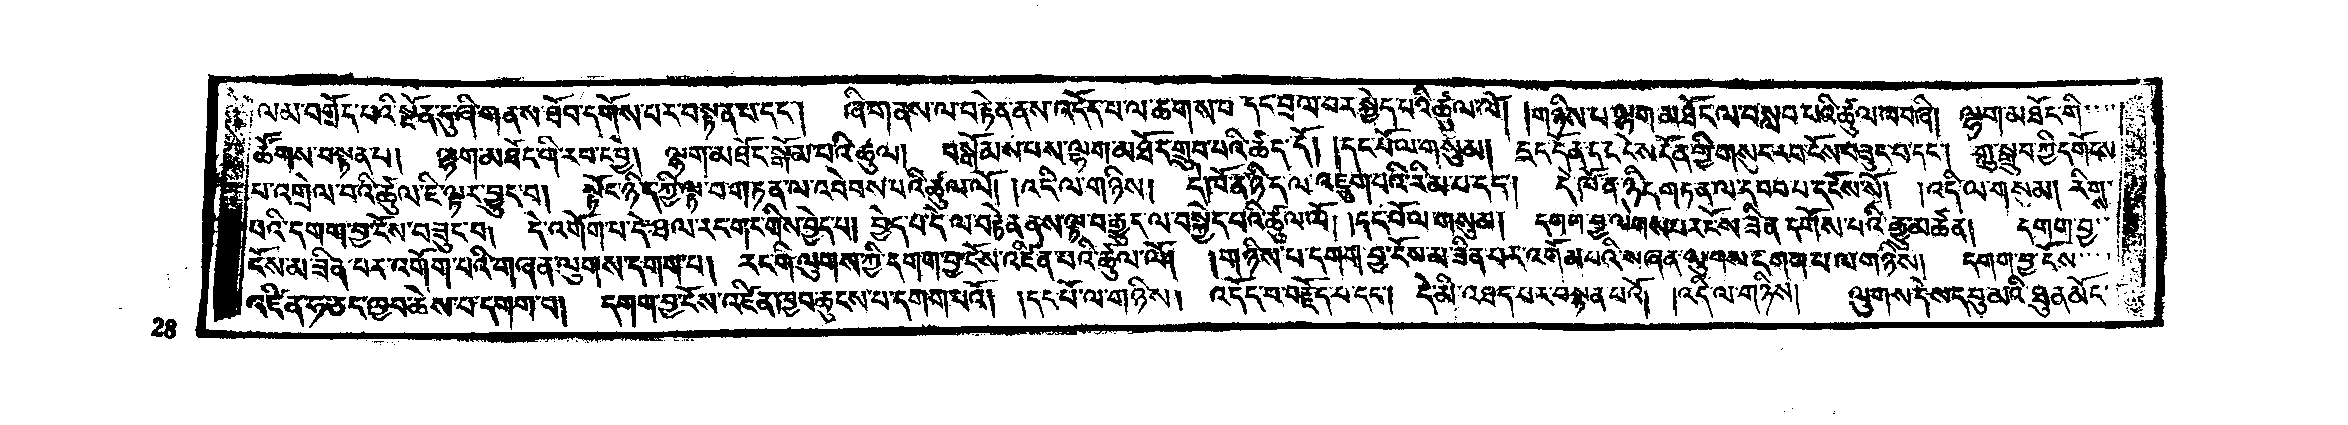ལམ་བགྲོད་པའི་སྔོན་དུ་ཞི་གནས་ཐོབ་དགོས་པར་བསྟན་པ་དང་། ཞི་གནས་ལ་བརྟེན་ནས་འདོད་པ་ལ་ཆགས་པ་དང་བྲལ་བར་བྱེད་པའི་ཚུལ་ལོ། །གཉིས་པ་ལྷག་མཐོང་ལ་བསླབ་པའི་ཚུལ་ལ་བཞི། ལྷག་མཐོང་གི་
ཚོགས་བསྟེན་པ། ལྷག་མཐོང་གི་རབ་དབྱེ། ལྷག་མཐོང་སྒོམ་པའི་ཚུལ། བསྒོམས་པས་ལྷག་མཐོང་གྲུབ་པའི་ཚད་དོ། །དང་པོ་ལ་གསུམ། དྲང་དོན་དང་ངེས་དོན་གྱི་གསུང་རབ་ངོས་བཟུང་བ་དང་། ཀླུ་སྒྲུབ་ཀྱི་དགོངས་
པ་འགྲེལ་བའི་ཚུལ་ཇི་ལྟར་བྱུང་བ། སྟོང་ཉིད་ཀྱི་ལྟ་བ་གཏན་ལ་འབེབས་པའི་ཚུལ་ལོ། །འདི་ལ་གཉིས། དེ་ཁོ་ན་ཉིད་ལ་འཇུག་པའི་རིམ་པ་དང་། དེ་ཁོ་ན་ཉིད་གཏན་ལ་དབབ་པ་དངོས་སོ། །འདི་ལ་གསུམ། རིགས་
པའི་དགག་བྱ་ངོས་བཟུང་བ། དེ་འགོག་པ་དེ་ཐལ་རང་གང་གིས་བྱེད་པ། བྱེད་པ་དེ་ལ་བརྟེན་ནས་ལྟ་བ་རྒྱུད་ལ་བསྐྱེད་པའི་ཚུལ་ལོ། །དང་པོ་ལ་གསུམ། དགག་བྱ་ལེགས་པར་ངོས་ཟིན་དགོས་པའི་རྒྱུ་མཚན། དགག་བྱ་
ངོས་མ་ཟིན་པར་འགོག་པའི་གཞན་ལུགས་དགག་པ། རང་གི་ལུགས་ཀྱི་དགག་བྱ་ངོས་འཛིན་པའི་ཚུལ་ལོ། །གཉིས་པ་དགག་བྱ་ངོས་མ་ཟིན་པར་འགོག་པའི་གཞན་ལུགས་དགག་པ་ལ་གཉིས། དགག་བྱ་ངོས་
འཛིན་ཧ་ཅང་ཁྱབ་ཆེས་པ་དགག་པ། དགག་བྱ་ངོས་འཛིན་ཁྱབ་ཆུངས་པ་དགག་པའོ། །དང་པོ་ལ་གཉིས། འདོད་པ་བརྗོད་པ་དང་། དེ་མི་འཐད་པར་བསྟན་པའོ། །འདི་ལ་གཉིས། ལུགས་དེས་དབུ་མའི་ཐུན་མོང་